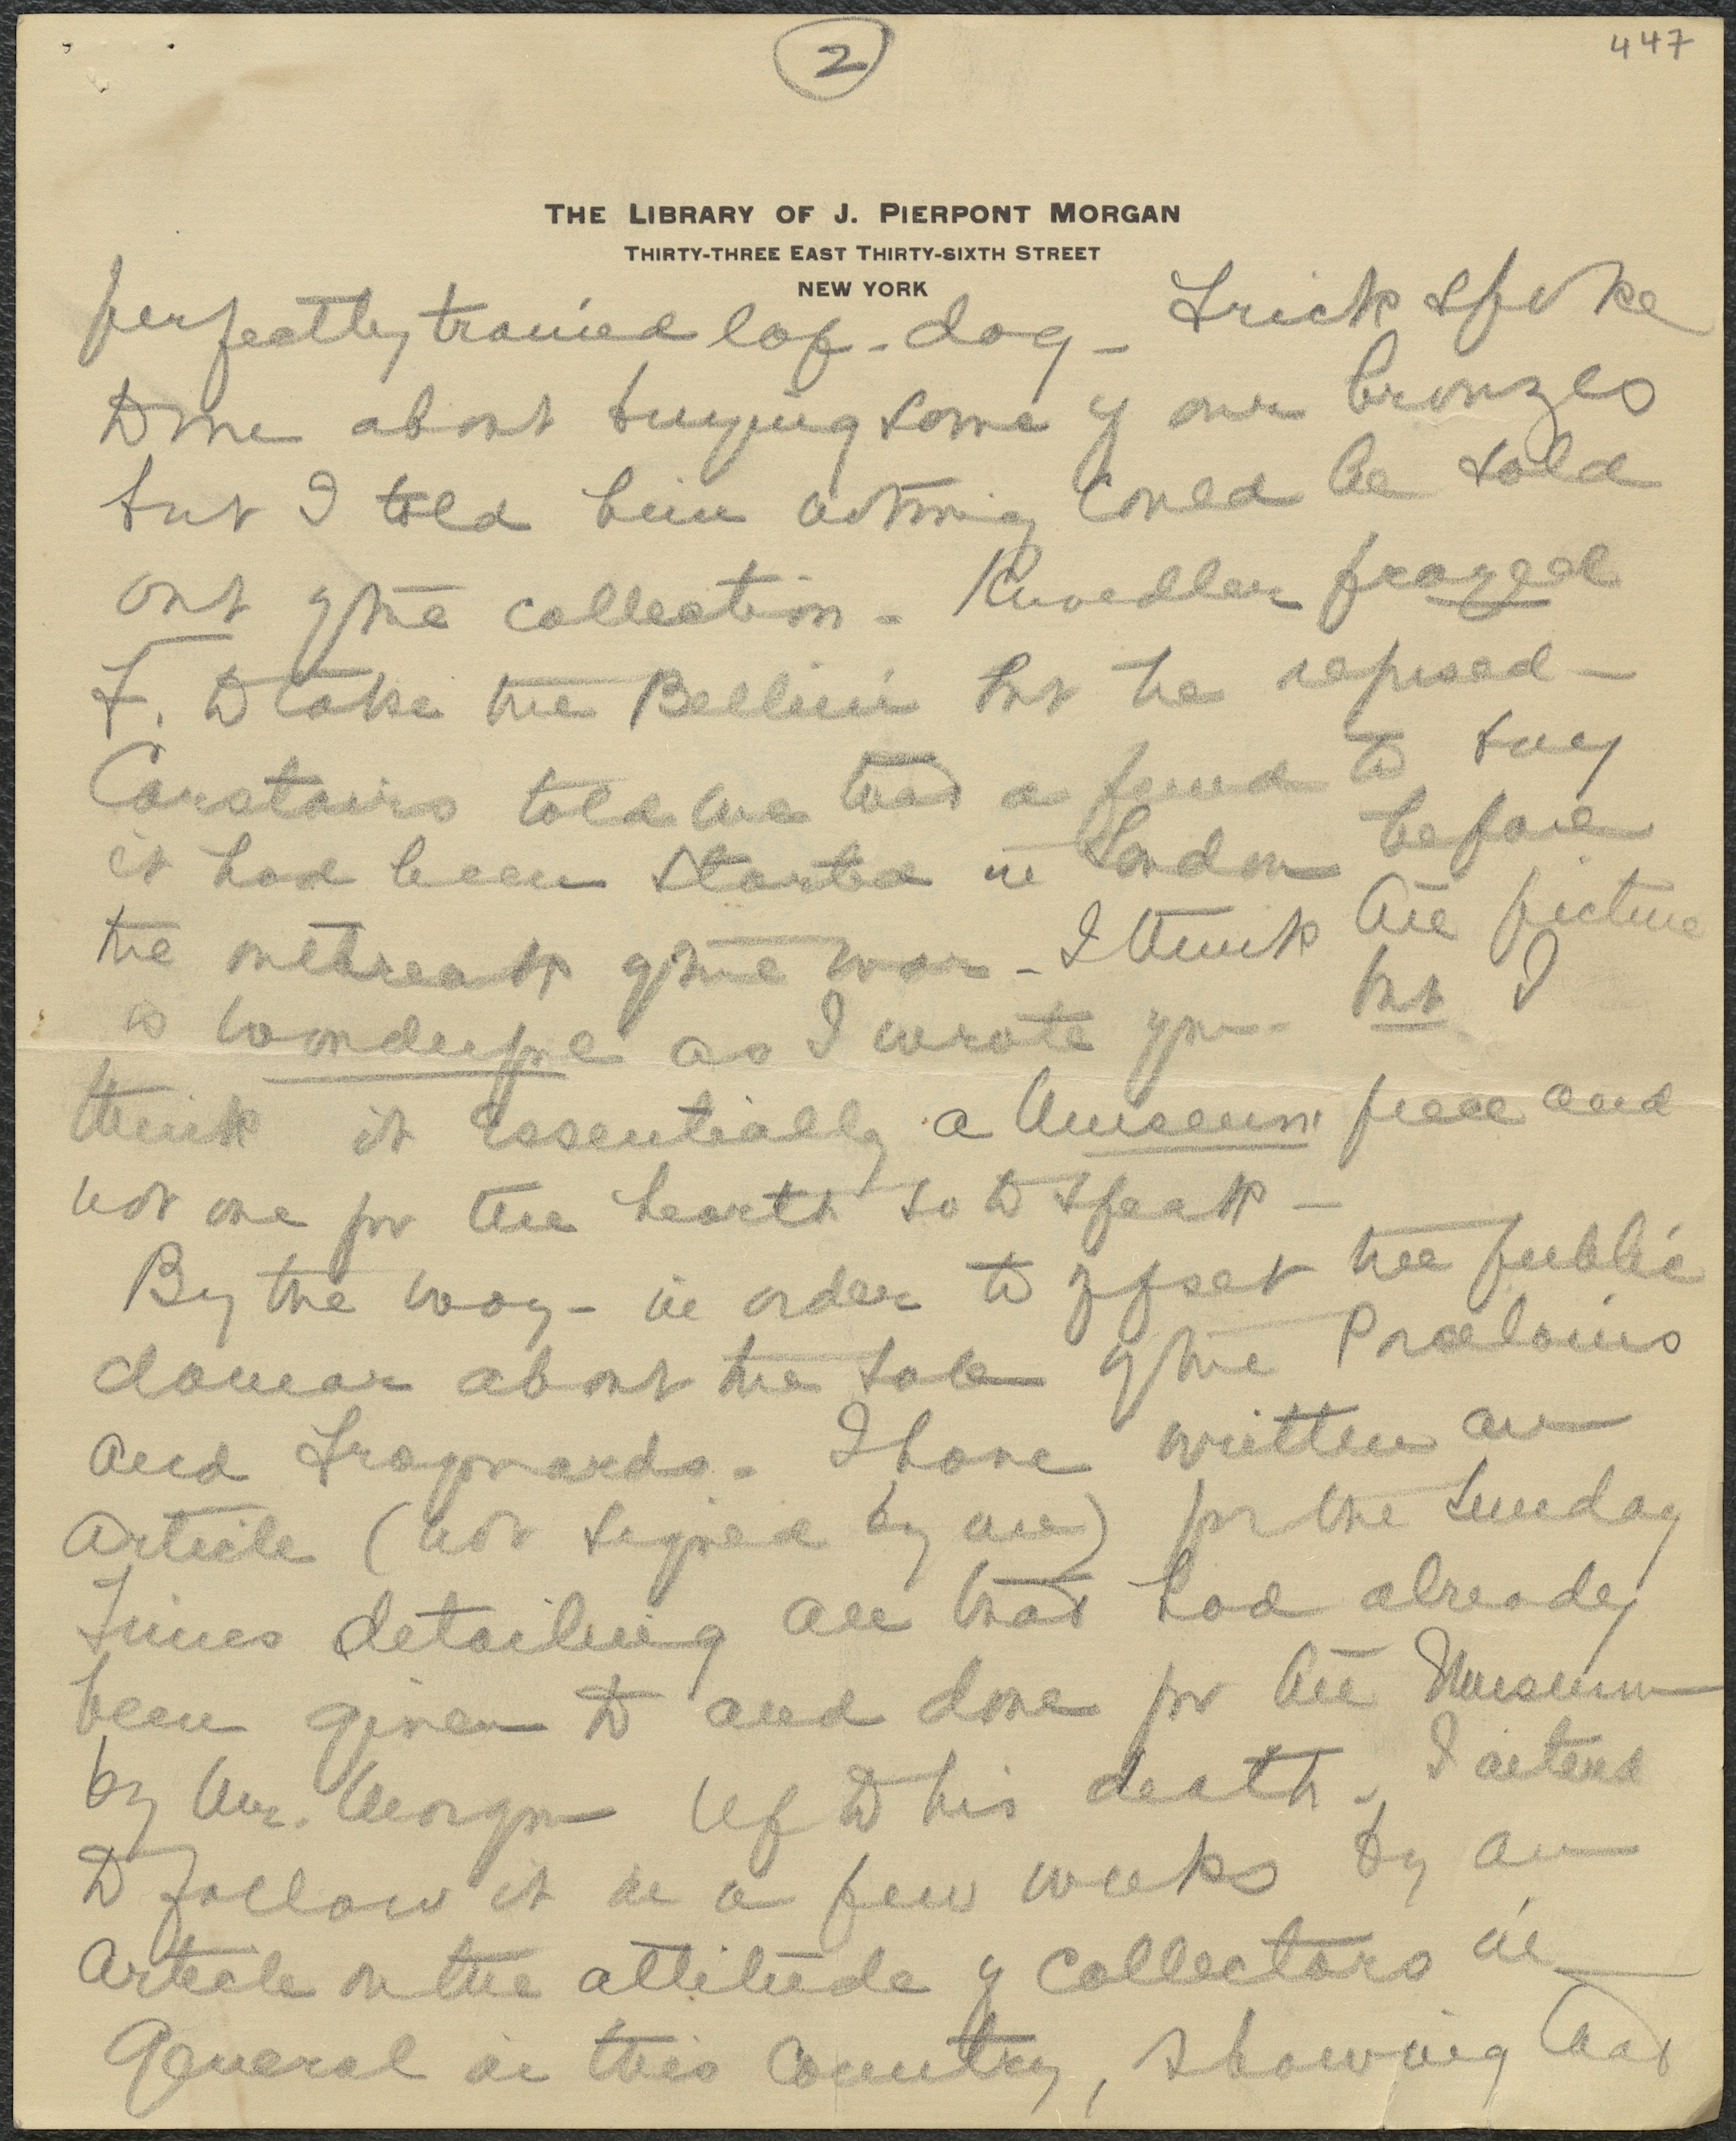perfectly trained lap-dog – Frick spoke to me about buying some of our bronzes but I told him nothing could be sold out of the collection – Knoedler prayed F. to take the Bellini but he refused – Carstairs told me that a feud to say it had been started in London before the outbreak of the war – I think the picture is wonderful as I wrote you – but think it essentially a museum piece and not one for the hearth so to speak –
By the way – in order to offset the public clamour about the sale of the Porcelains and Fragonards – I have written an article (not signed by me) for the Sunday Times detailing all that had already been given to and done for the museum – by Mr. Morgan – up to his death, I intend to follow it in a few weeks by an article on the attitude of collectors in general in this Country, showing that